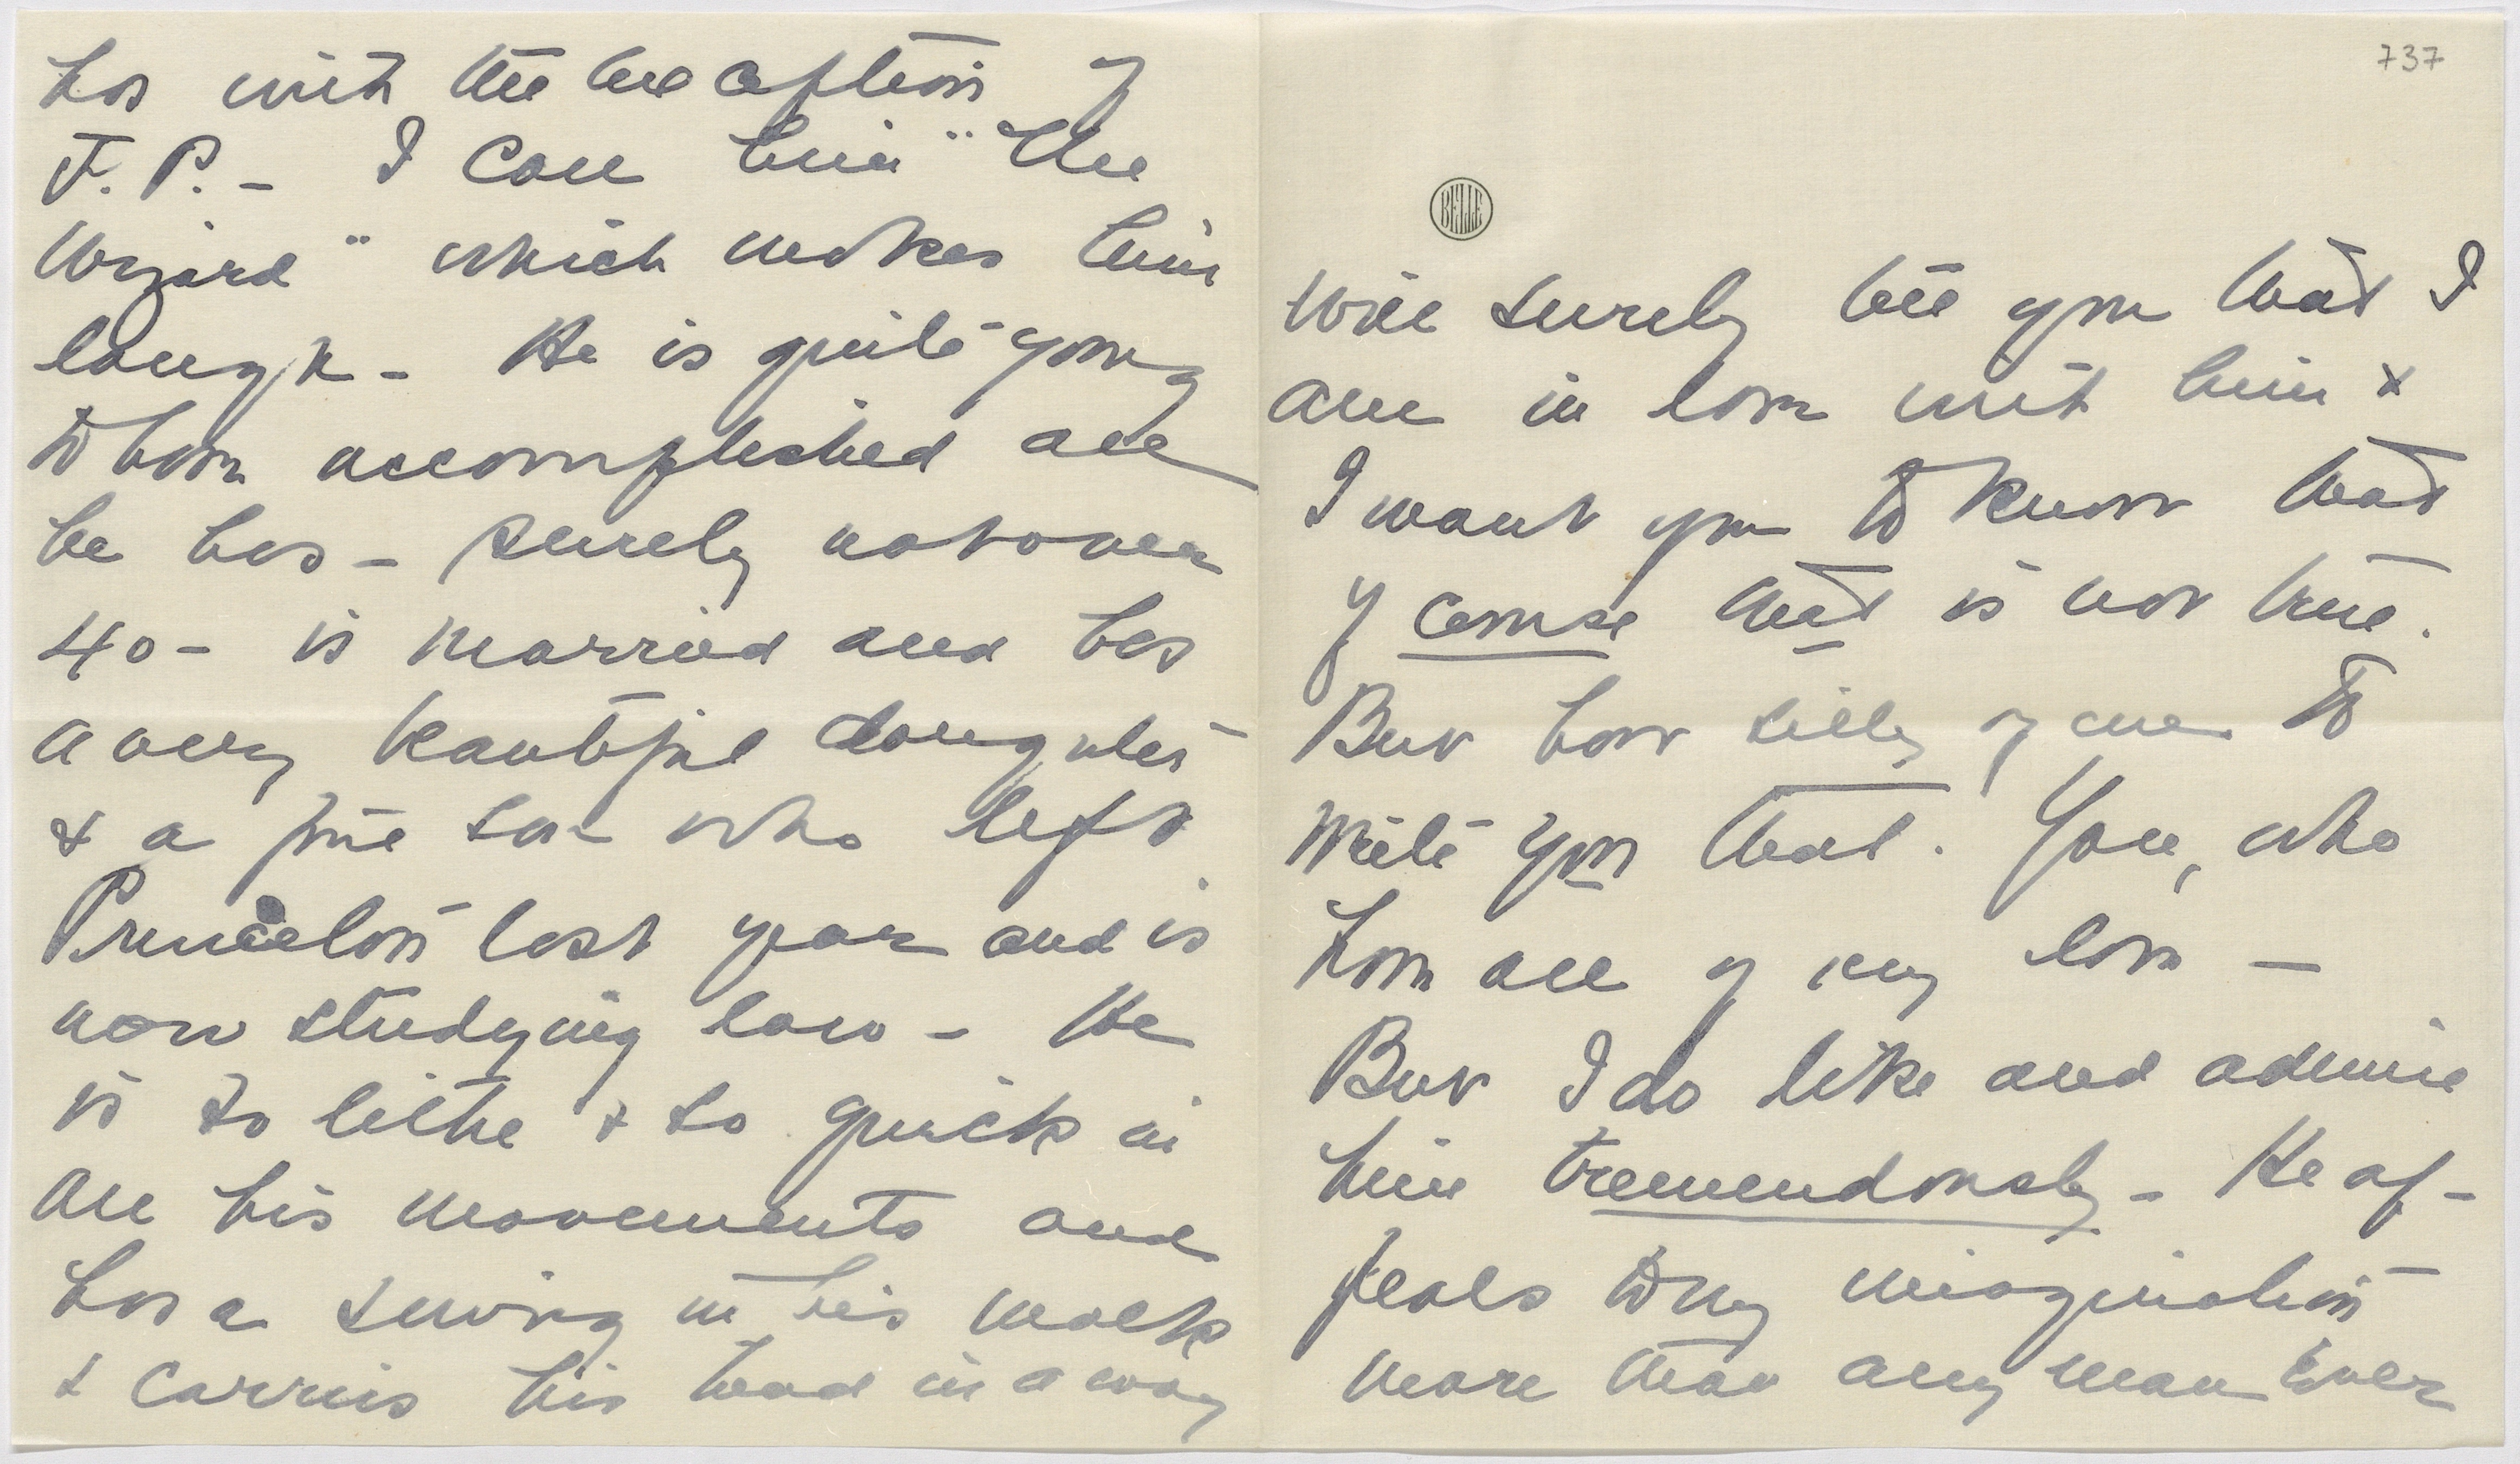will surely tell you that I am in love with him & I want you to know that of course that is not true. But how silly of me to write you that. You, who have all of my love –
But I do like and admire him tremendously – He appeals to my imagination more than any man ever
has with the exception of J. P. – I call him “the Wizard” which makes him laugh – He is quite young to have accomplished all he has – surely not over 40 – is married and has a very beautiful daughter & a fine son who left Princeton last year and is now studying law – He is to so lithe & so quick in all his movements and has a swing in his walk & carries his head in a way